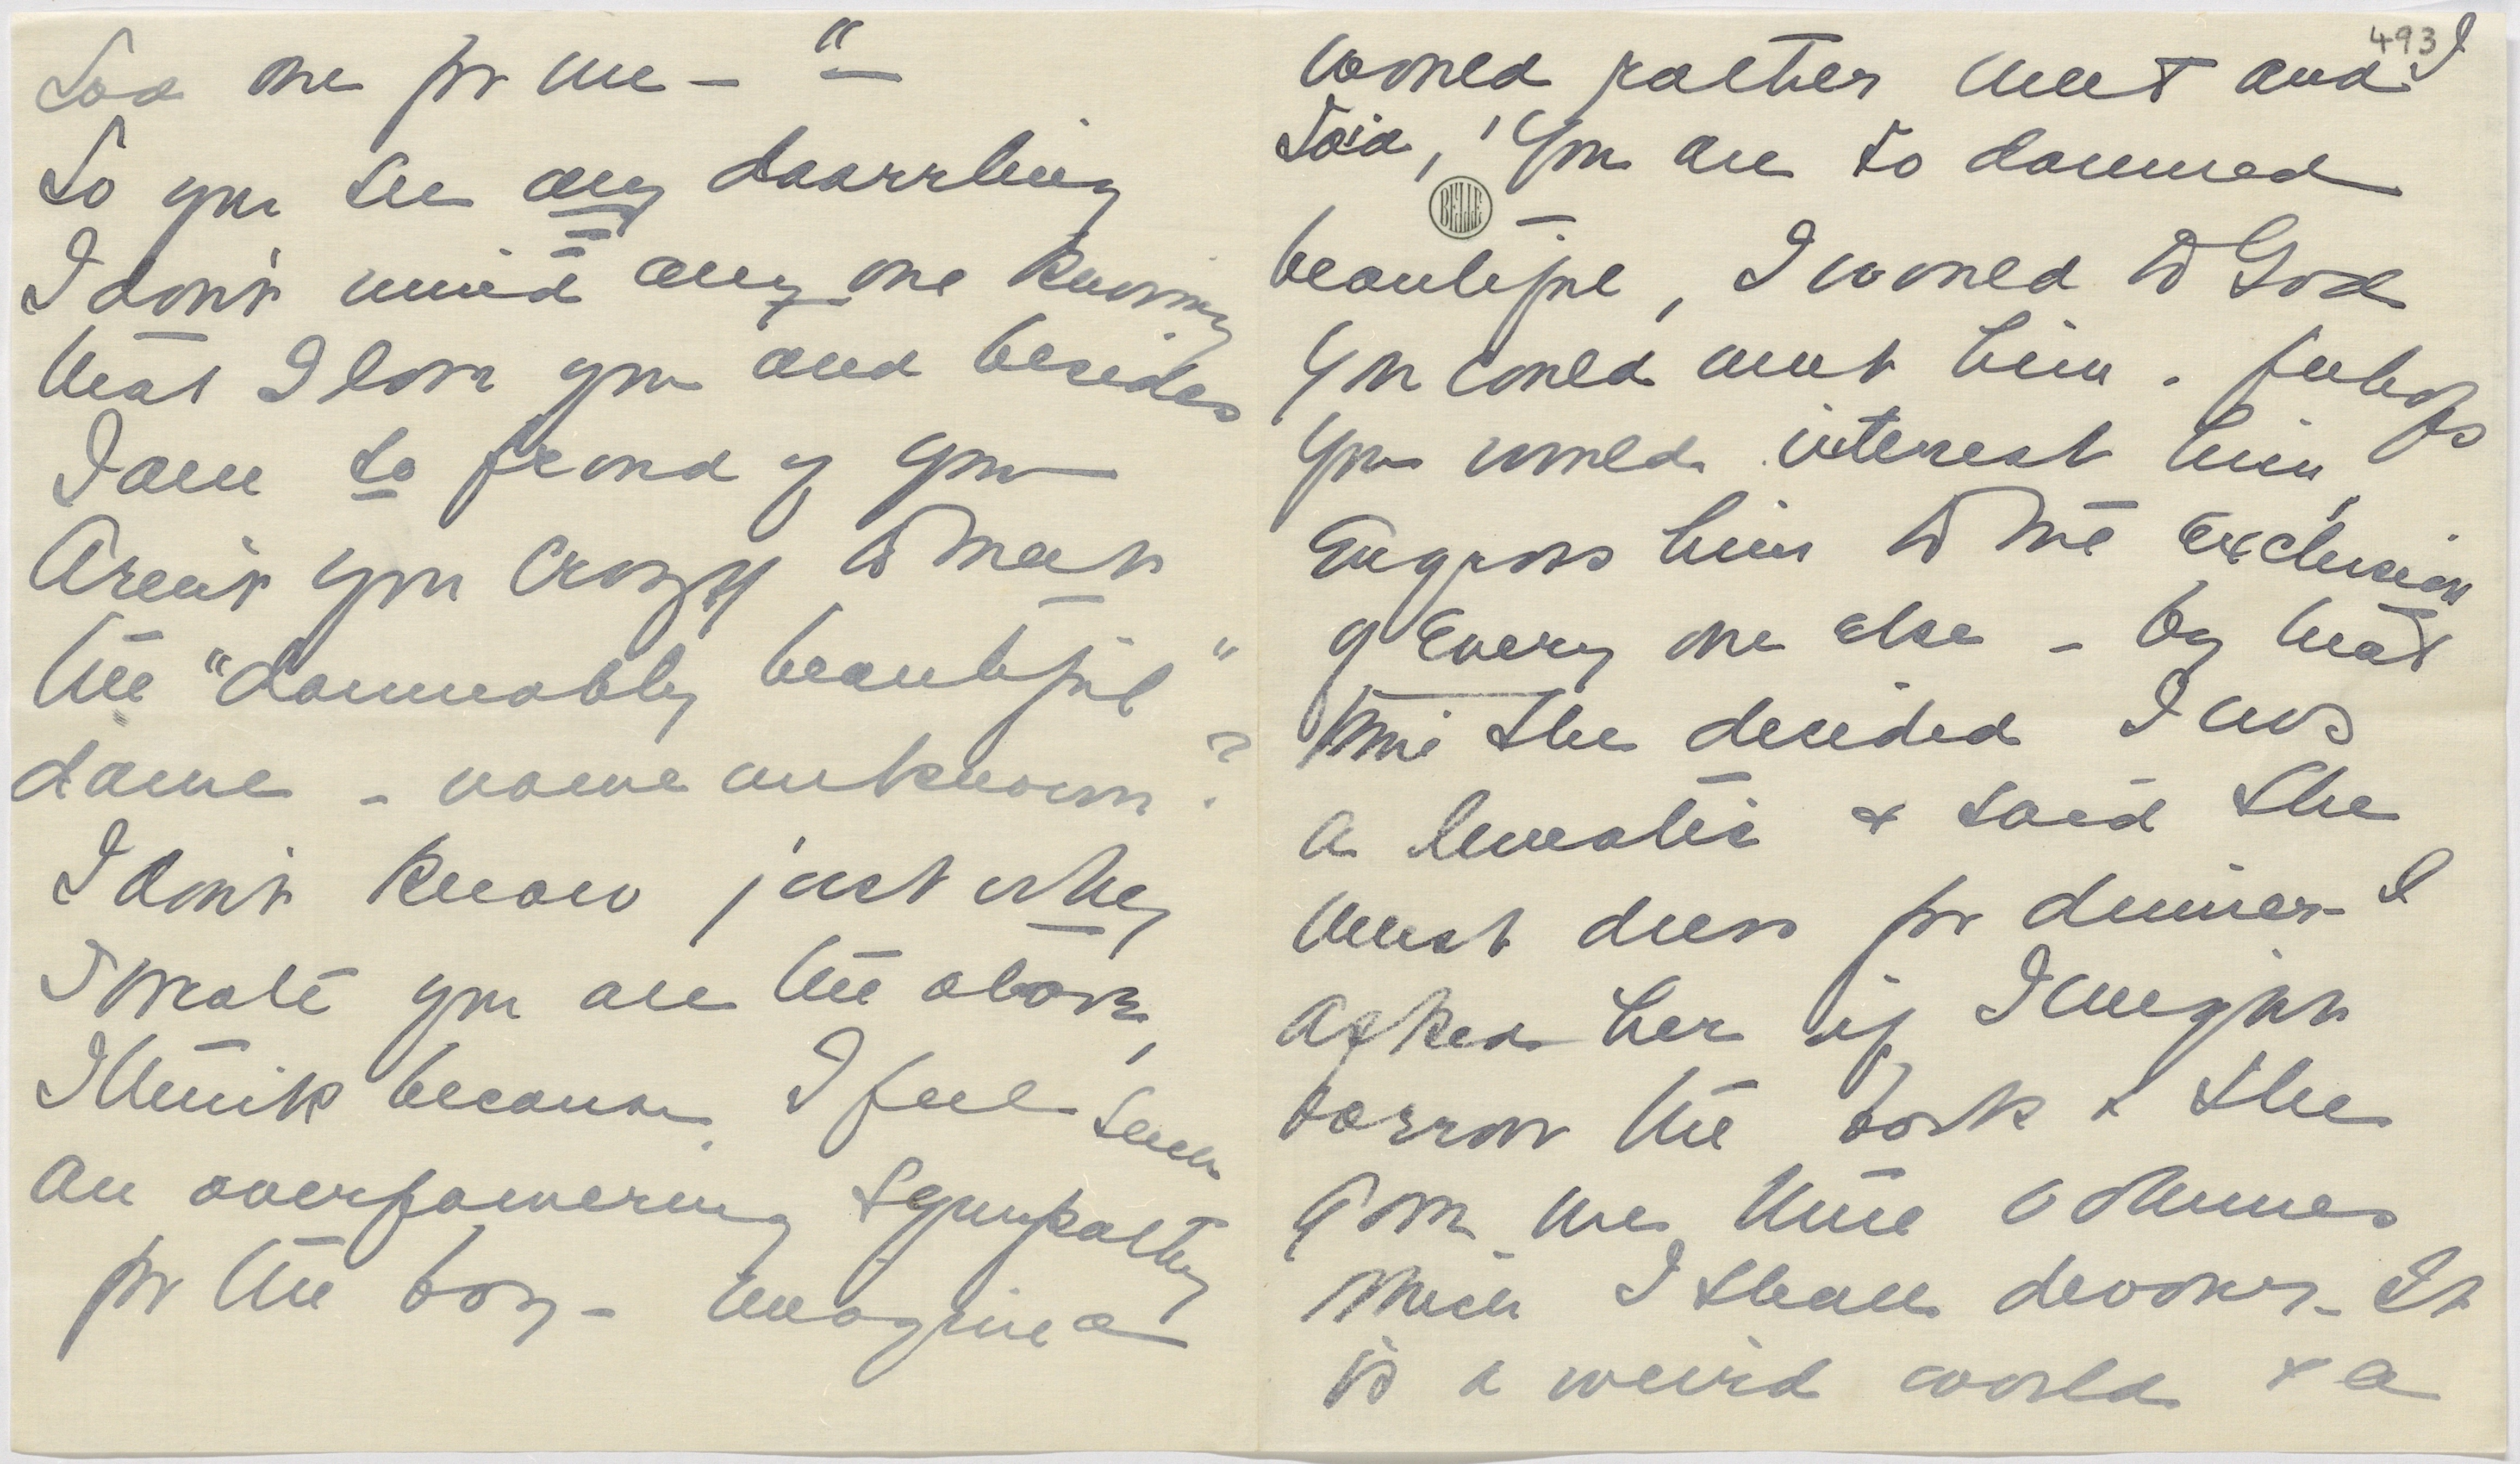would rather meet and I said, ‘You are so damned beautiful, I would to God you could meet him – perhaps you would interest him, engross him to the exclusion of every one else – by that time she decided I was a lunatic & said she must dress for dinner – I asked her if I might borrow the book & she gave me three volumes which I shall devour – It is a weird world & a
sad one for me –” –
So you see [triple underlined: my] daarrling I don’t mind any one knowing that I love you and besides I am so proud of you Aren’t you crazy to meet the “damnably beautiful” dame – name unknown?
I don’t know just why I wrote you all the above, I think because I feel such an overpowering sympathy for the boy – imagine a